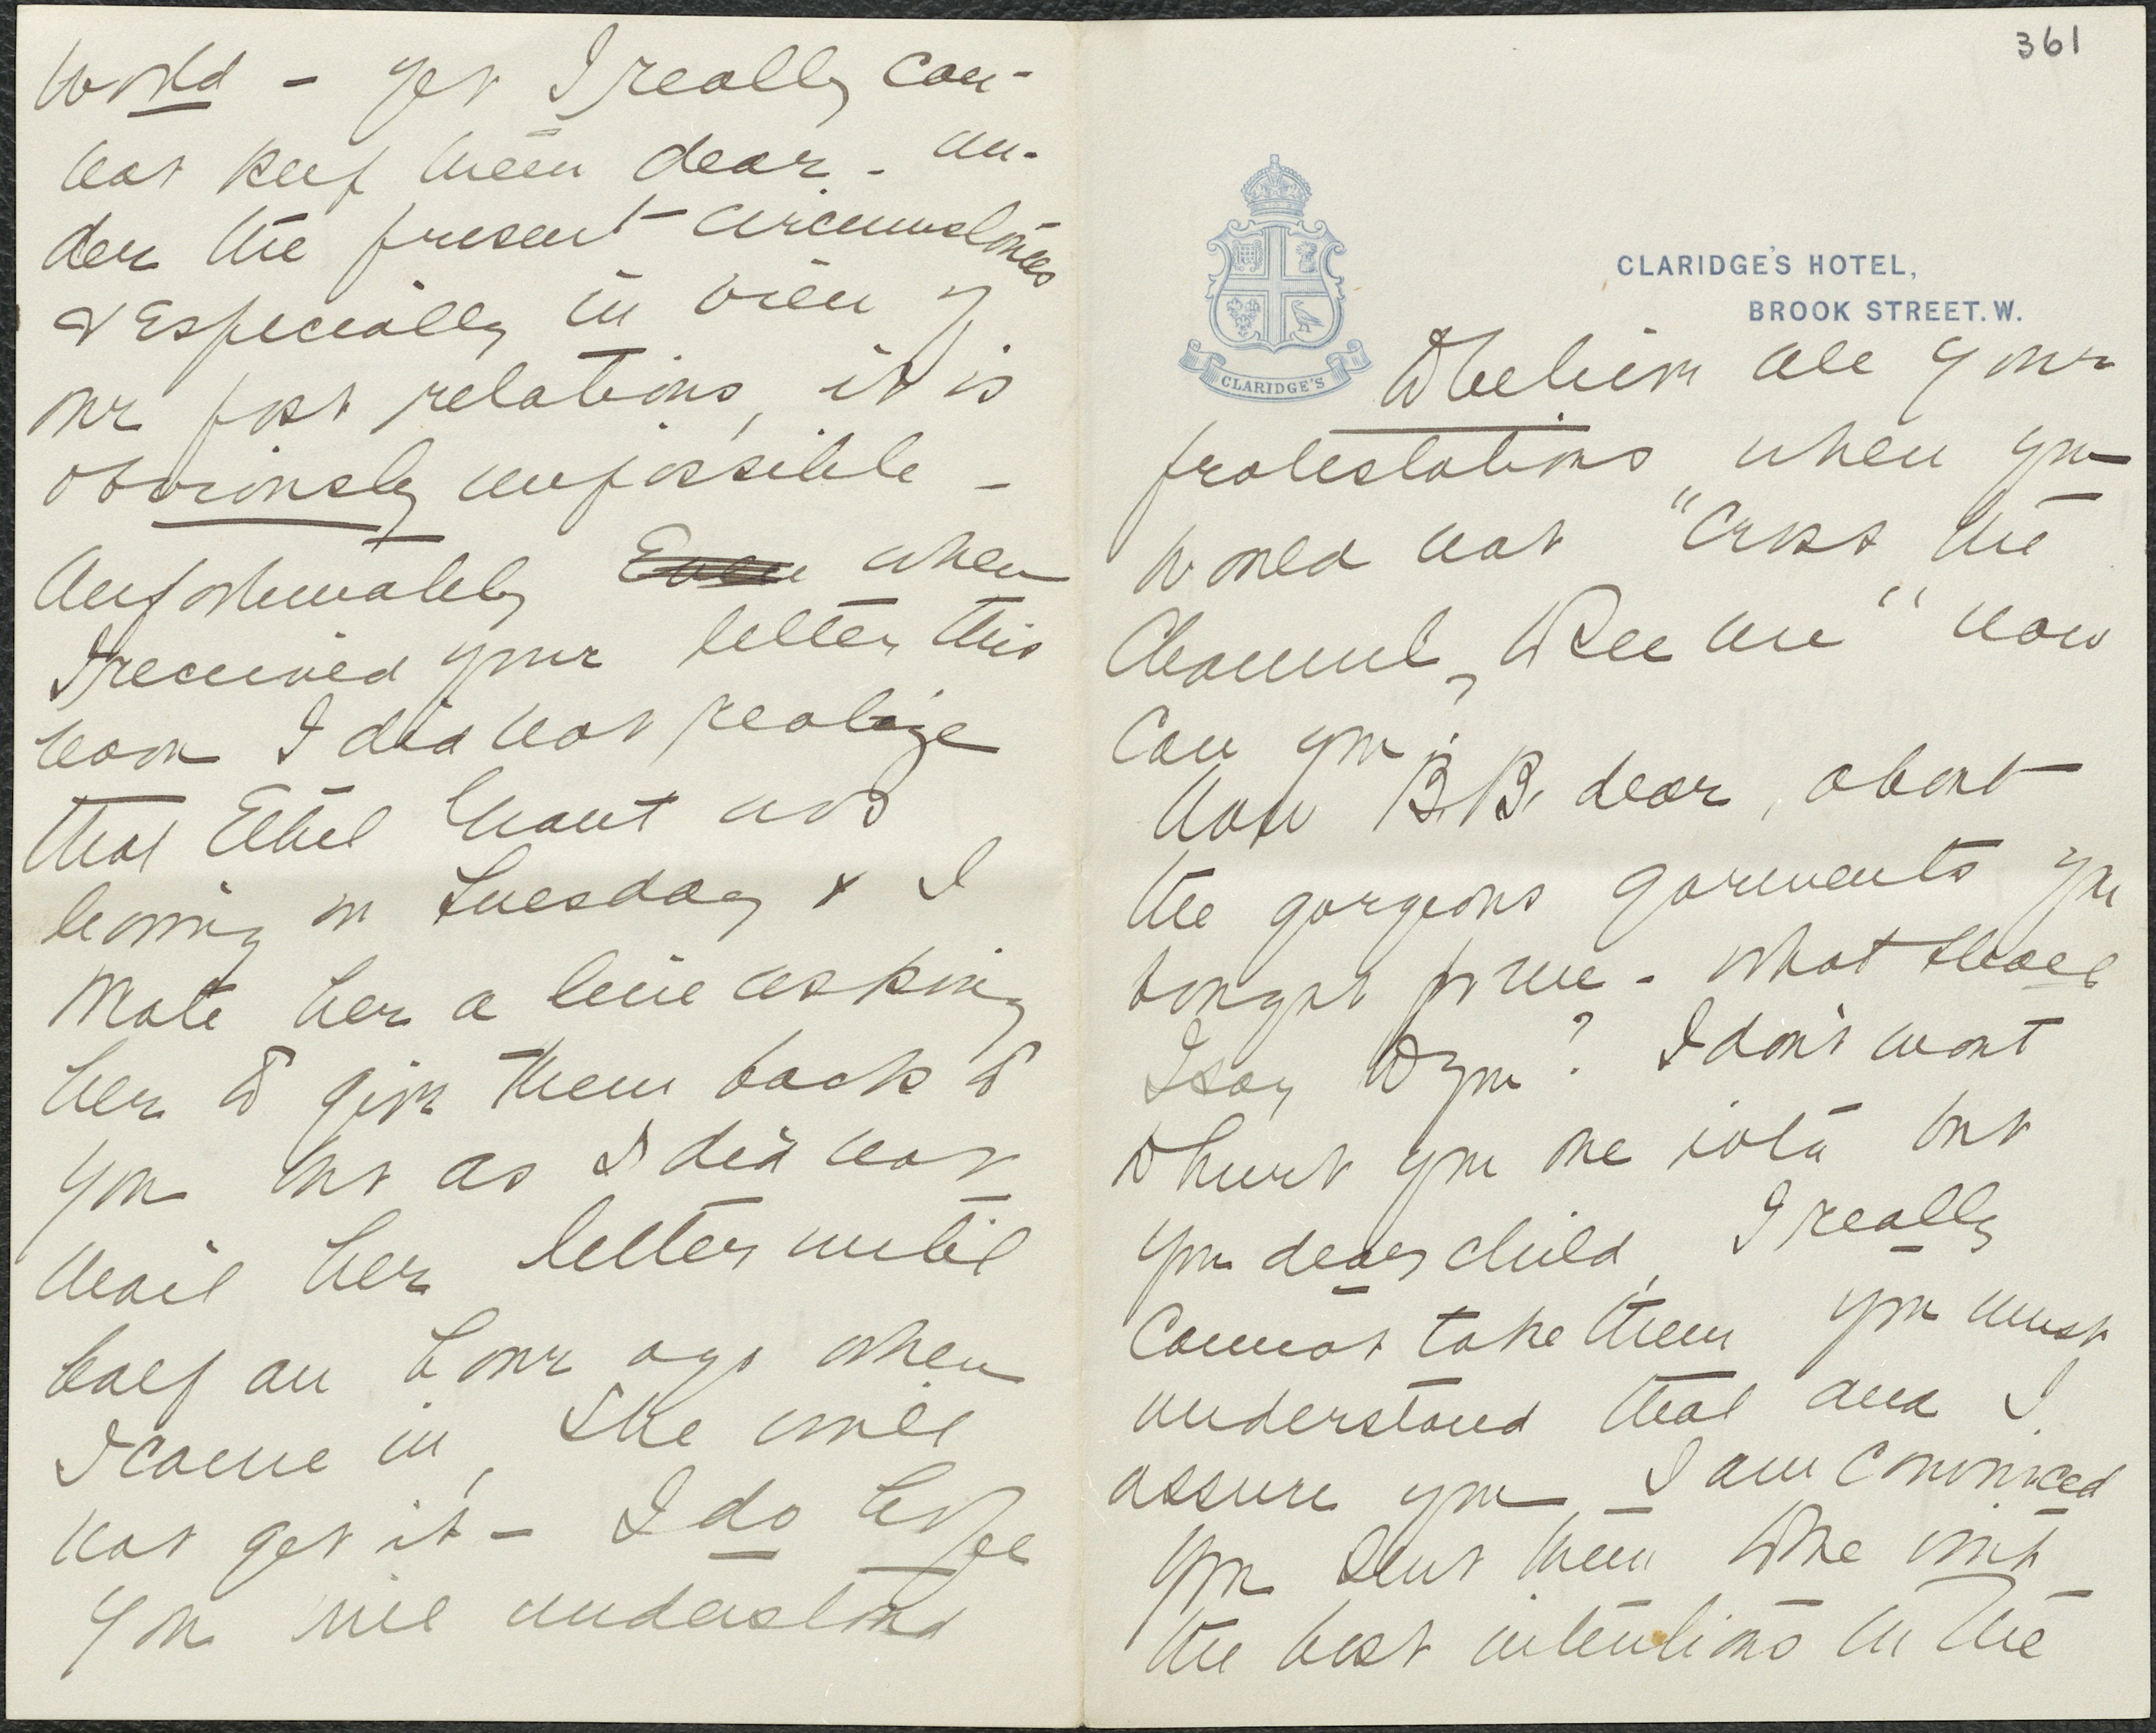to believe all your protestations when you would not “cross the Channel to see me” now can you?
Now B. B. dear, about the gorgeous garments you bought for me – what shall I say to you? I don’t want to hurt you one iota but you dear child, I really cannot take them you must understand that and I assure you I am convinced you sent them to me with the best intentions in the
world – yet I really cannot keep them dear – under the present circumstances & especially in view of our past relations, it is obviously impossible – Unfortunately Even when I received your letter this noon I did not realize that Ethel Grant was leaving on Tuesday & I wrote her a line asking her to give them back to you but as I did not mail her letter until half an hour ago when I came in, she could not get it – I do hope you will understand